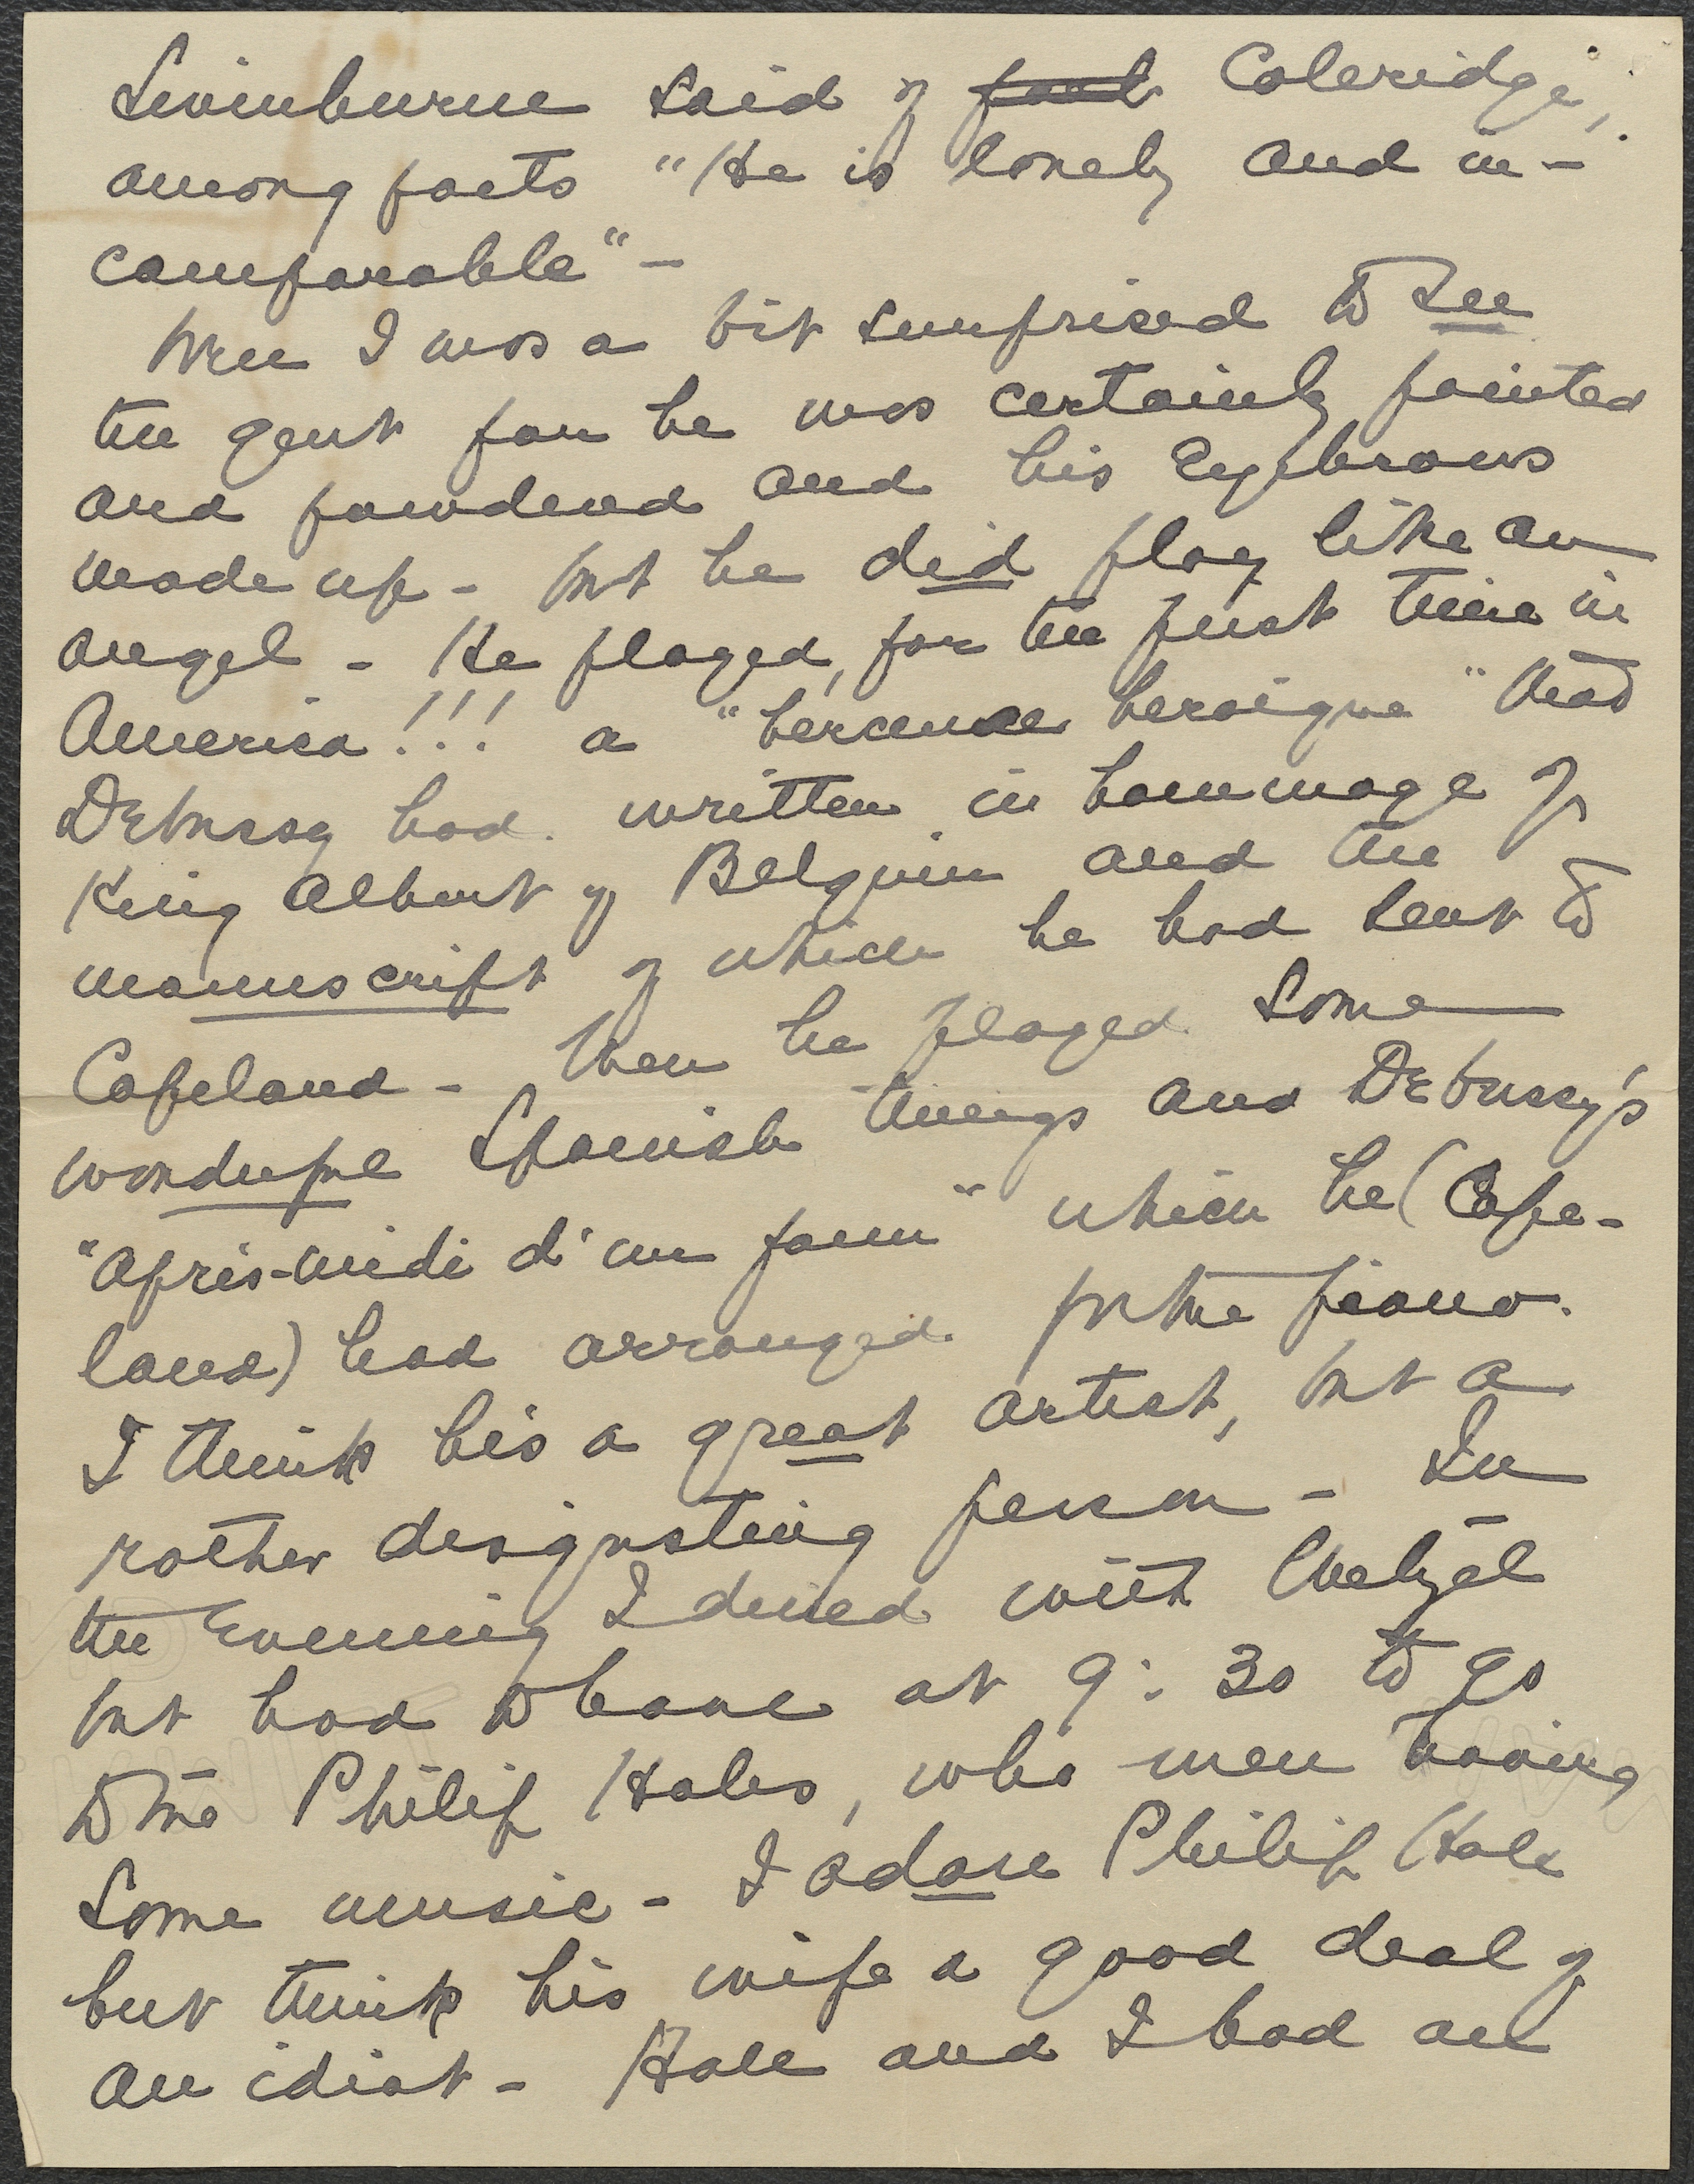Swinburne said foul Coleridge, among facts “He is lonely and incomparable” –
Well I was a bit surprised to see the gent for he was certainly painted and powdered and his eyebrows made up – but he did play like an angel – He played, for the first time in America!!! a “berceuse heroique” that Debussy had written in hommage [sic] of King Albert of Belgium and the manuscript of which he had sent to Copeland – then he played some wonderful Spanish things and Debussy’s “Apres-midi d’un faune” which he (Copeland) had arranged for the piano. I think he’s a great artist, but a rather disgusting person – In the evening I dined with Wetzel but had to leave at 9:30 to go to the Philip Hales, who were having some music – I adore Philip Hale but think his wife a good deal of an idiot – Hale and I had an